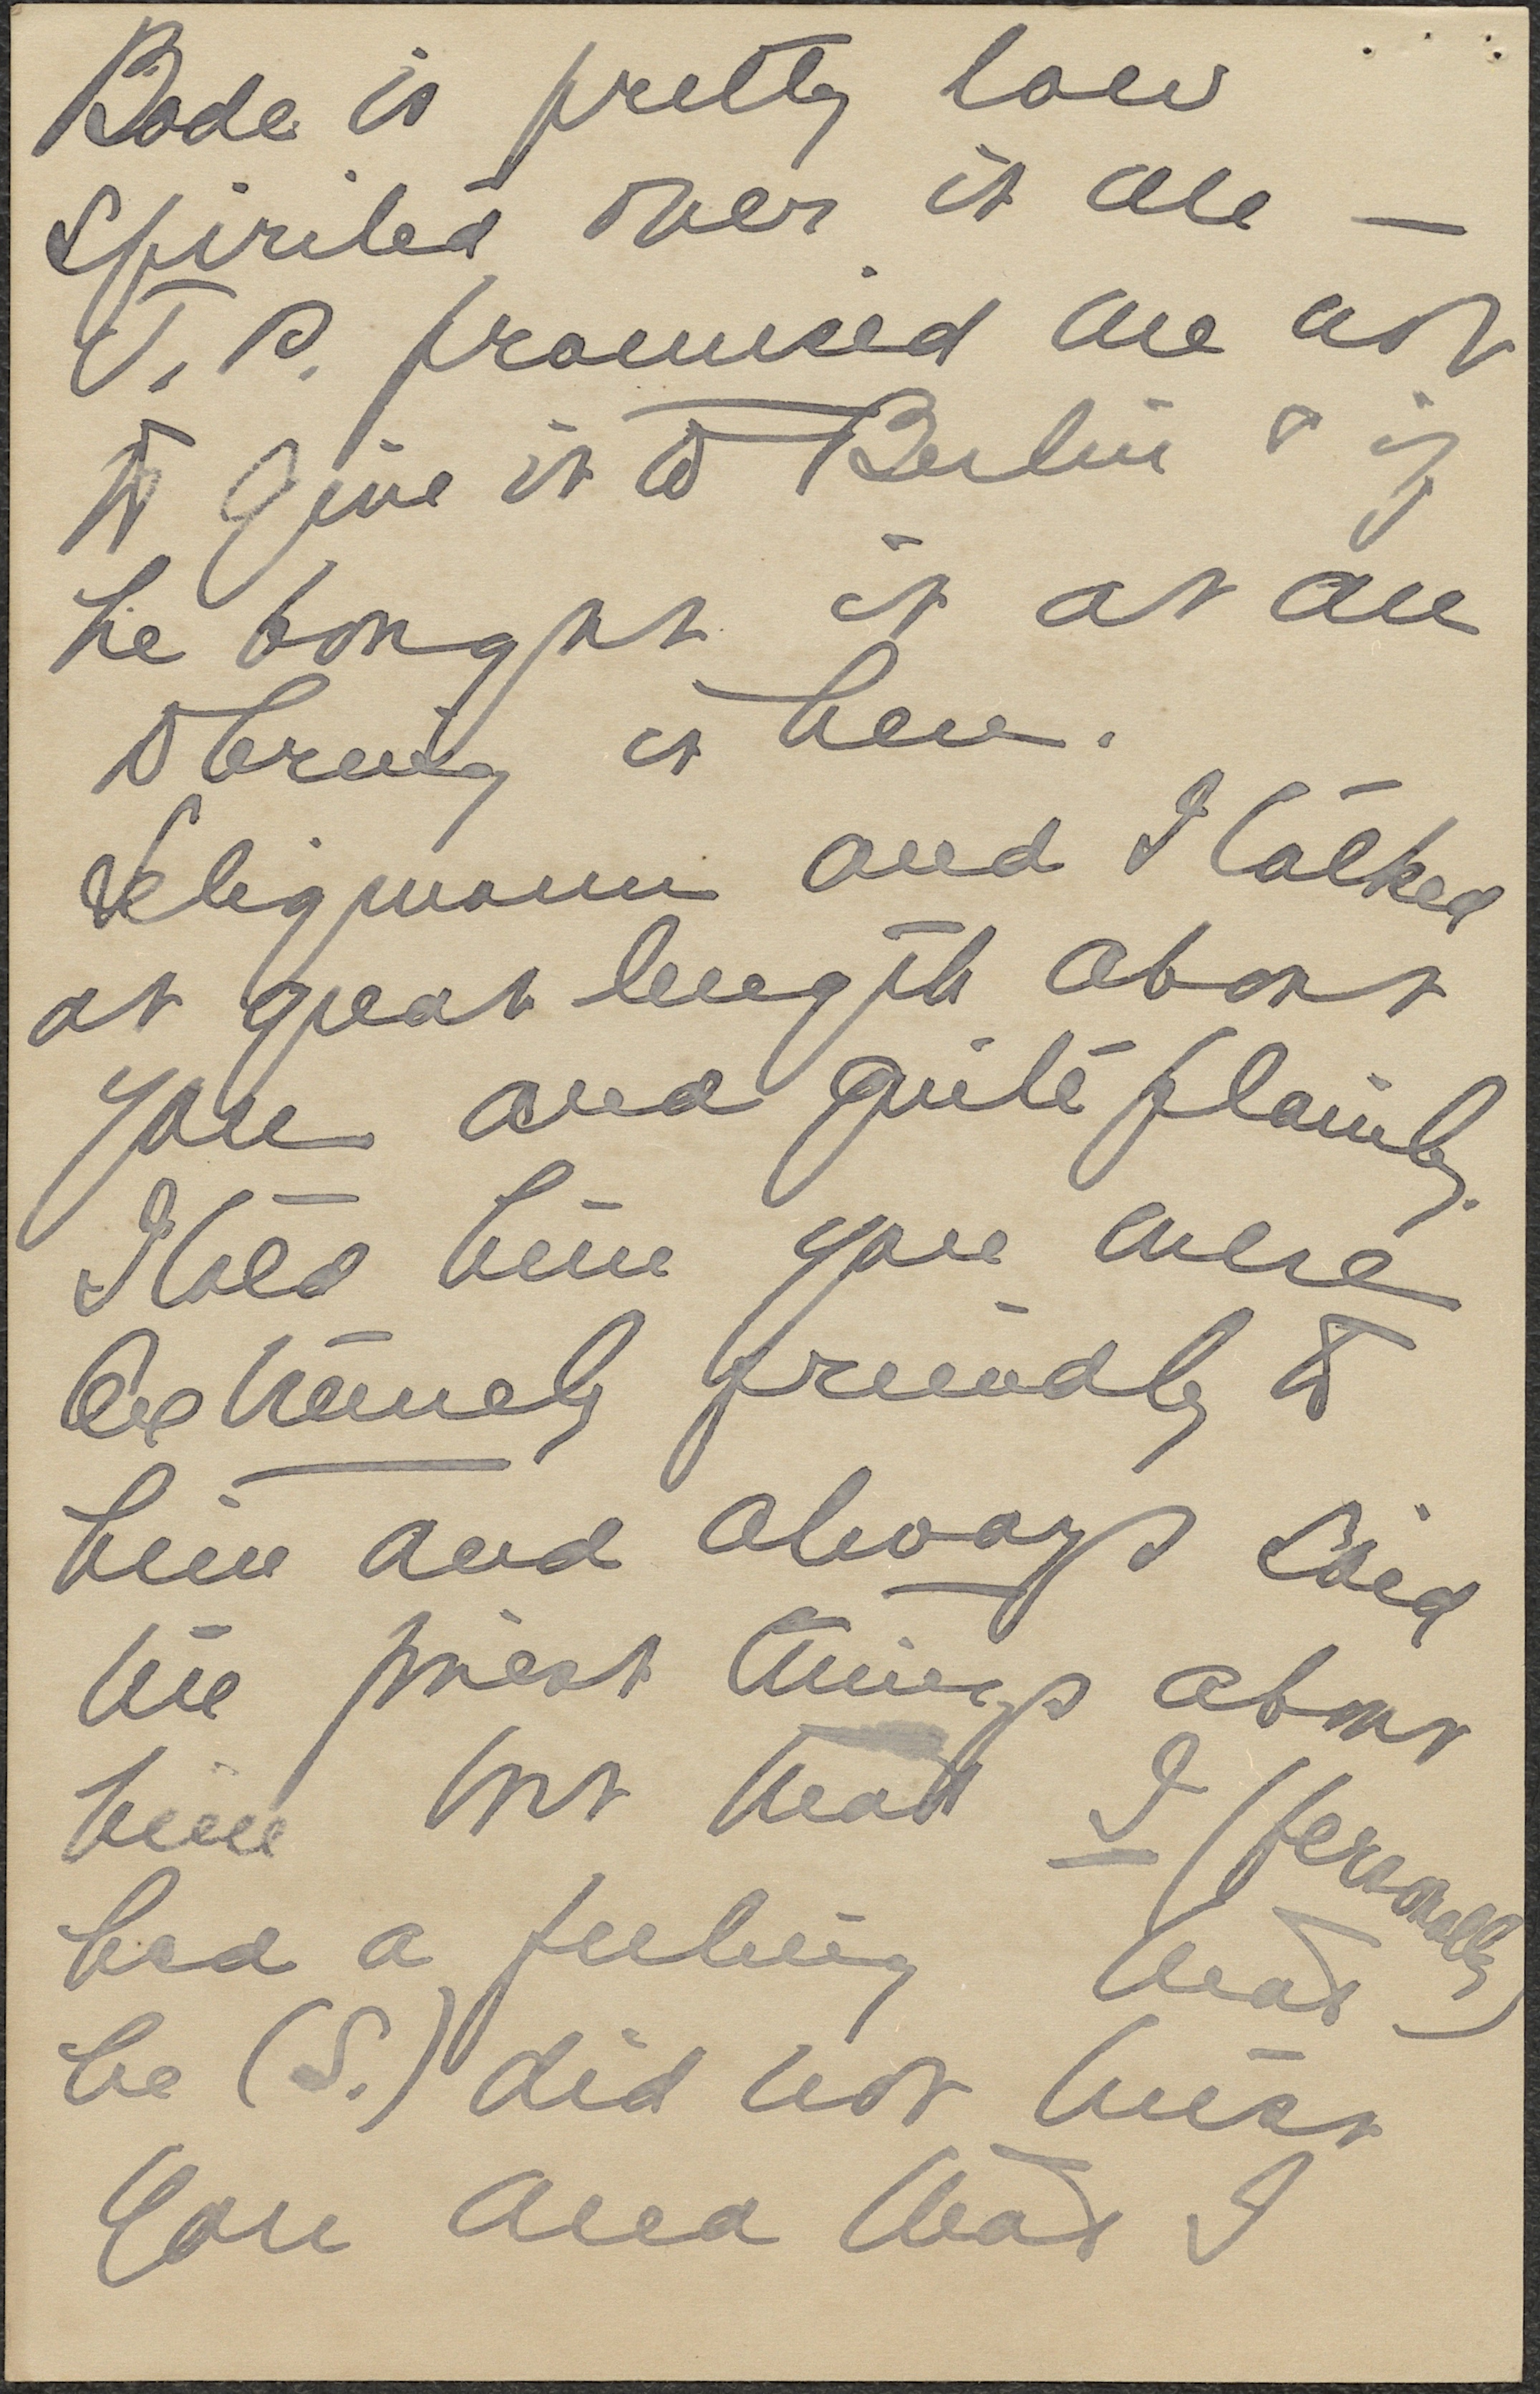Bode is pretty low spirited over it all – J. P. promised me not to give it to Berlin & if he bought it at all to bring it here.
Seligmann and I talked at great length about you and quite plainly I told him you were extremely friendly to him and always said the finest things about him but that I (personally) had a feeling that he (S.) did not trust you and that I